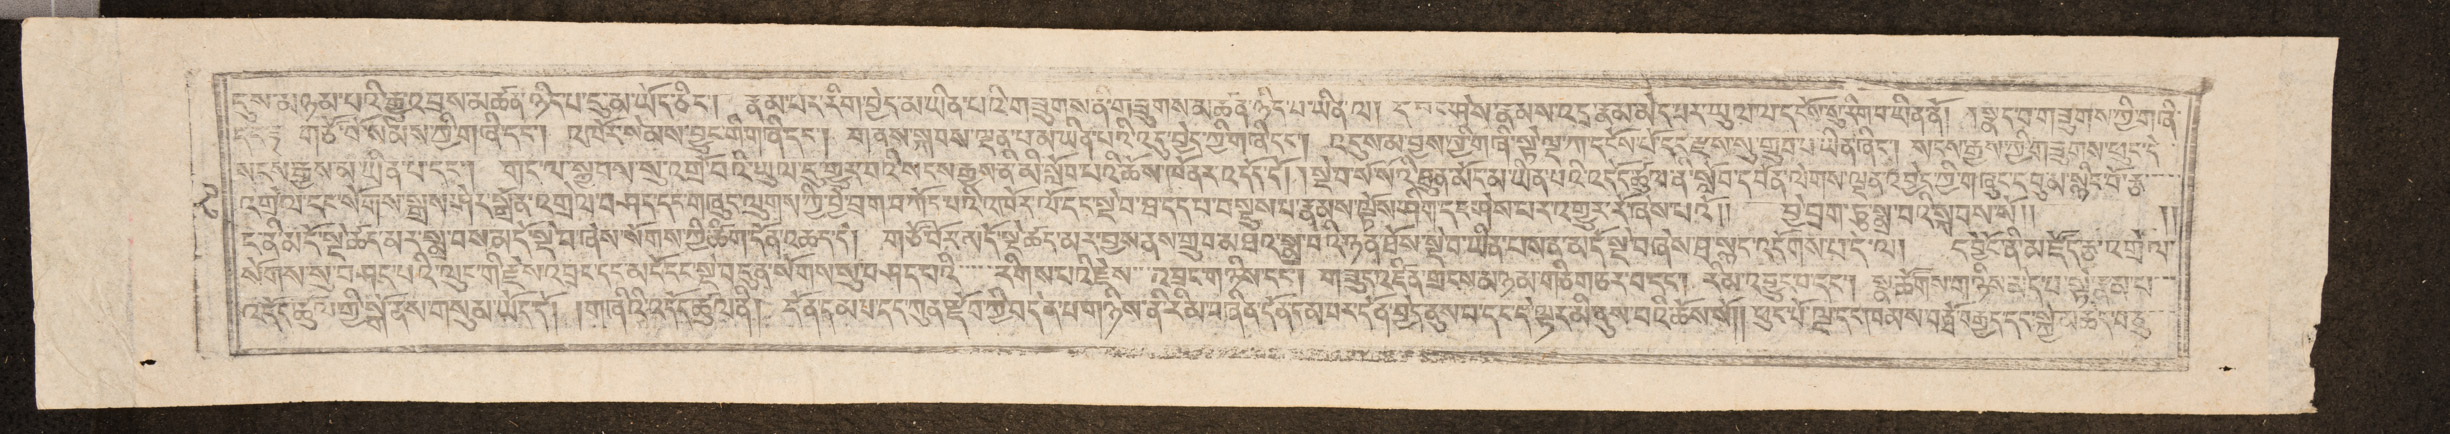དུས་མཉམ་པའི་རྒྱུ་འབྲས་མཚན་ཉིད་པ་དུ་མ་ཡོད་ཅིང་། རྣམ་པར་རིག་བྱེད་མ་ཡིན་པའི་གཟུགས་ནི་གཟུགས་མཚན་ཉིད་པ་ཡིན་ལ། དབང་ཤེས་རྣམས་འདྲ་རྣམ་མེད་པར་ཡུལ་ལ་དངོས་སུ་རིག་པ་ཡིན་ནོ། །སྣང་བ་གཟུགས་ཀྱི་གཞི་
དང༑ གཙོ་བོ་སེམས་ཀྱི་གཞི་དང་། འཁོར་སེམས་བྱུང་གི་གཞི་དང་། གནས་སྐབས་ལྡན་པ་མ་ཡིན་པའི་འདུ་བྱེད་ཀྱི་གཞི་དང་། འདུས་མ་བྱས་ཀྱི་གཞི་སྟེ་ལྔ་ཀ་དངོས་པོ་དང་རྫས་སུ་གྲུབ་པ་ཡིན་ཞིང་། སངས་རྒྱས་ཀྱི་གཟུགས་ཕུང་དེ་
སངས་རྒྱས་མ་ཡིན་པ་དང་། གང་ལ་སྐྱབས་སུ་འགྲོ་བའི་ཡུལ་དུ་གྱུར་བའི་སངས་རྒྱས་ནི་མི་སློབ་པའི་ཆོས་ཁོ་ནར་འདོད་དོ། །སྡེ་བ་སོ་སོའི་ཐུན་མོང་མ་ཡིན་པའི་འདོད་ཚུལ་ནི་སློབ་དཔོན་ལེགས་ལྡན་འབྱེད་ཀྱི་གཞུང་དབུ་མ་སྙིང་པོ་རྩ་
འགྲེལ་དང་སོགས་སྒྲས་ཤེར་སྒྲོན་འགྲེལ་བཤད་དང་གཞུང་ལུགས་ཀྱི་བྱེ་བྲག་བཀོད་པའི་འཁོར་ལོ་དང་སྡེ་བ་ཐ་དད་པ་བསྡུས་པ་རྣམས་ལྟོས་ཤིག་དང་ཤེས་པར་འགྱུར་རོ་ཞེས་པའོ།། བྱེ་བྲག་ཏུ་སྨྲ་བའི་སྐབས་སོ།། །།
ད་ནི་མདོ་སྡེ་ཚད་མར་སྨྲ་བས་མདོ་སྡེ་བ་ཞེས་སོགས་ཀྱི་ཚིག་དོན་འཆད་དེ། གཙོ་བོར་མདོ་སྡེ་ཚད་མར་བྱས་ན་གྲུབ་མཐའ་སྨྲ་བའི་ཉན་ཐོས་སྡེ་བ་ཡིན་པས་ན་མདོ་སྡེ་བ་ཞེས་ཐ་སྙད་འདོགས་པ་དེ་ལ། དབྱེ་ངོ་ནི་མཛོད་རྩ་འགྲེལ་
སོགས་སུ་བཤད་པའི་ལུང་གི་རྗེས་འབྲང་དང་མདོ་དང་སྡེ་བདུན་སོགས་སུ་བཤད་པའི་རིགས་པའི་རྗེས་འབྲང་གཉིས་དང་། གཟུང་འཛིན་གྲངས་མཉམ་གཅིག་ཅར་བ་དང་། རིམ་འབྱུང་བ་དང་། སྣ་ཚོགས་གཉིས་མེད་པ་སྟེ་རྣམ་པ་
འདོད་ཚུལ་གྱི་སྒོ་ནས་གསུམ་ཡོད་དོ། །གཞིའི་འདོད་ཚུལ་ནི། དོན་དམ་པ་དང་ཀུན་རྫོབ་ཀྱི་བདེན་པ་གཉིས་ནི་རིམ་བཞིན་དོན་དམ་པར་དོན་བྱེད་ནུས་པ་དང་དེ་ལྟར་མི་ནུས་པའི་ཆོས་སོ།། ཕུང་པོ་ལྔ་དང་བྲྠོ་བརྒྱད་དང་སྐྱེ་མཆེད་བཅུ་